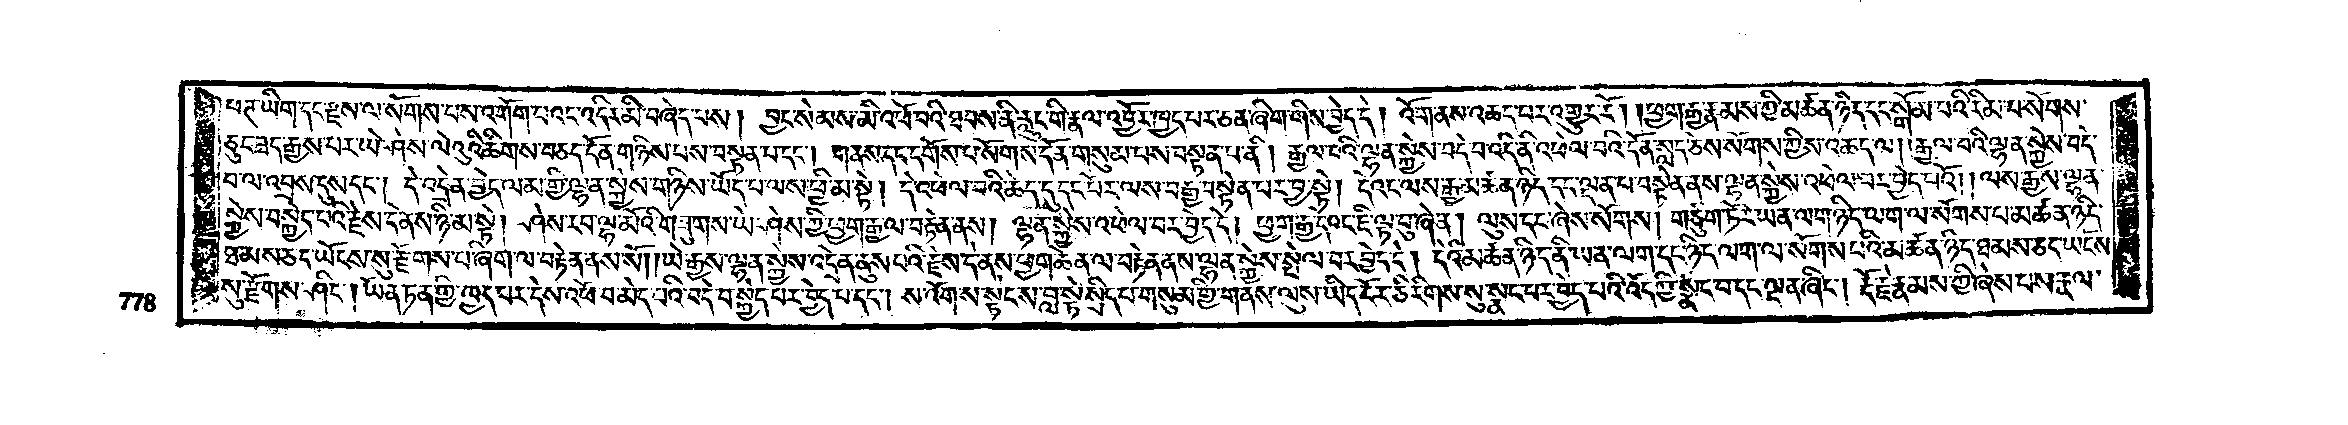ཕཊ་ཡིག་དང་རྫས་ལ་སོགས་པས་འགོག་པའང་འདིར་མི་བཞེད་པས། བྱང་སེམས་མི་འཕོ་བའི་ཐབས་ནི་རླུང་གི་རྣལ་འབྱོར་ཁྱད་པར་ཅན་ཞིག་གིས་བྱེད་དེ། འོག་ནས་འཆད་པར་འགྱུར་རོ། །ཕྱག་རྒྱ་རྣམས་ཀྱི་མཚན་ཉིད་དང་སྒོམ་པའི་རིམ་པ་སོགས་
ཅུང་ཟད་རྒྱས་པར་ཡེ་ཤེས་ལེའུའི་ཚིགས་བཅད་དོན་གཉིས་པས་བསྟན་པ་དང་། གནས་དང་དགོས་པ་སོགས་དོན་གསུམ་པས་བསྟན་པ་ནི། རྒྱལ་བའི་ལྷན་སྐྱེས་བདེ་བ་འདི་ནི་འཕེལ་བའི་དོན་སླད་ཅེས་སོགས་ཀྱིས་འཆད་ལ། །རྒྱལ་བའི་ལྷན་སྐྱེས་བདེ་
བ་ལ་འབྲས་དུས་དང་། དེ་འདྲེན་བྱེད་ལམ་གྱི་ལྷན་སྐྱེས་གཉིས་ཡོད་པ་ལས་ཕྱི་མ་སྟེ། དེ་འཕེལ་བའི་ཆེད་དུ་དང་པོར་ལས་བརྒྱ་བསྟེན་པར་བྱ་སྟེ། དེའང་ལས་རྒྱ་མཚན་ཉིད་དང་ལྡན་པ་བསྟེན་ནས་ལྷན་སྐྱེས་འཕེལ་བར་བྱེད་པའོ། །ལས་རྒྱས་ལྷན་
སྐྱེས་བསྐྱེད་པའི་རྗེས་དེ་ནས་ཉི་མ་སྟེ། ཤེས་རབ་ལྷ་མོའི་གཟུགས་ཡེ་ཤེས་ཀྱི་ཕྱག་རྒྱ་ལ་བརྟེན་ནས། ལྷན་སྐྱེས་འཕེལ་བར་བྱེད་དེ། ཕྱག་རྒྱ་དེའང་ཇི་ལྟ་བུ་ཞེ་ན། ལུས་དང་ཞེས་སོགས། གཙུག་ཏོར་ཡན་ལག་ཉིད་ལག་ལ་སོགས་པ་མཚན་ཉིད་
ཐམས་ཅད་ཡོངས་སུ་རྫོགས་པ་ཞིག་ལ་བརྟེན་ནས་སོ། །ཡེ་རྒྱས་ལྷན་སྐྱེས་འདྲེན་ནུས་པའི་རྗེས་དེ་ནས་ཕྱག་ཆེན་ལ་བརྟེན་ནས་ལྷན་སྐྱེས་སྤེལ་བར་བྱེད་དེ། དེའི་མཚན་ཉིད་ནི་ཡན་ལག་དང་ཉིད་ལག་ལ་སོགས་པའི་མཚན་ཉིད་ཐམས་ཅད་ཡོངས་
སུ་རྫོགས་ཤིང་། ཡོན་ཏན་གྱི་ཁྱད་པར་དེས་འཕོ་བ་མེད་པའི་བདེ་བ་སྐྱེད་པར་བྱེད་པ་དང་། ས་འོག་ས་སྟེང་ས་བླ་སྟེ་སྲིད་པ་གསུམ་གྱི་གནས་ལུས་ཡིད་ངོར་ཅི་རིགས་སུ་སྣང་བར་བྱེད་པའི་འོད་ཀྱི་སྣང་བ་དང་ལྡན་ཞིང་། རྡོ་རྗེ་རྣམས་ཀྱི་ཞེས་པས་རྣལ་